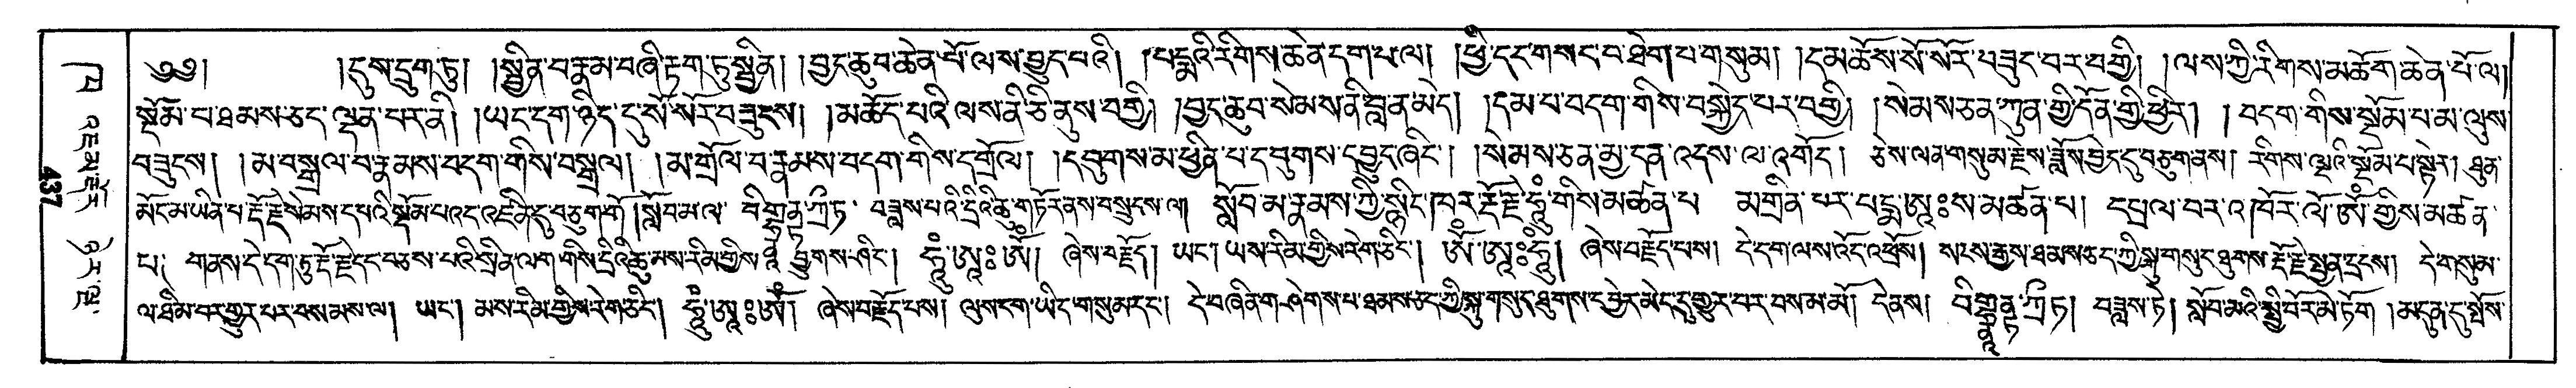༄༅། །དུས་དྲུག་ཏུ། །སྦྱིན་པ་རྣམ་བཞི་རྟག་ཏུ་སྦྱིན། །བྱང་ཆུབ་ཆེན་པོ་ལས་བྱུང་བའི། །པདམའི་རིགས་ཆེན་དག་པ་ལ། །ཕྱི་དང་གསང་བ་ཐེག་པ་གསུམ། །དམ་ཆོས་སོ་སོར་བཟུང་བར་བགྱི། །ལས་ཀྱི་རིགས་མཆོག་ཆེན་པོ་ལ།
སྡོམ་པ་ཐམས་ཅད་ལྡན་པར་ནི། །ཡང་དག་ཉིད་དུ་སོ་སོར་བཟུངས། །མཆོད་པའི་ལས་ནི་ཅི་ནུས་བགྱི། །བྱང་ཆུབ་སེམས་ནི་བླ་ན་མེད། །དམ་པ་བདག་གིས་བསྐྱེད་པར་བགྱི། །སེམས་ཅན་ཀུན་གྱི་དོན་གྱི་ཕྱིར། །བདག་གིས་སྡོམ་པ་མ་ལུས་
བཟུངས། །མ་བསྒྲལ་བ་རྣམས་བདག་གིས་བསྒྲལ། །མ་གྲོལ་བ་རྣམས་བདག་གིས་དགྲོལ། །དབུགས་མ་ཕྱིན་པ་དབུགས་འབྱུང་ཞིང་། །སེམས་ཅན་མྱ་ངན་འདས་ལ་འགོད། ཅེས་ལན་གསུམ་རྗེས་ཟློས་བྱེད་དུ་བཅུག་ནས། རིགས་ལྔའི་སྡོམ་པ་སྟེར། ཐུན་
མོང་མ་ཡིན་པ་རྡོ་རྗེ་སེམས་དཔའི་སྡོམ་པའང་འཛིན་དུ་བཅུག་གོ །སློབ་མ་ལ་བིགྷནྟ་ཀྲྀཏ་བཟླས་པའི་དྲིའི་ཆུ་གཏོར་ནས་བསྲུངས་ལ། སློབ་མ་རྣམས་ཀྱི་སྙིང་ཁར་རྡོ་རྗེ་ཧཱུཾ་གིས་མཚན་པ། མགྲིན་པར་པདམ་ཨཱཿ ས་མཚན་པ། དཔྲལ་བར་འཁོར་ལོ་ཨོཾ་གྱིས་མཚན་
པ༑ གནས་དེ་དག་ཏུ་རྡོ་རྗེ་དང་བཅས་པའི་སྲིན་ལག་གིས་དྲིའི་ཆུ་མས་རིམ་གྱིས་བྱུགས་ཤིང་། ཧཱུཾ་ཨཱཿ ཨོཾ། ཞེས་བརྗོད། ཡང་། ཡས་རིམ་གྱིས་རེག་ཅིང་། ཨོཾ་ཨཱཿ ཧཱུཾ། ཞེས་བརྗོད་པས། དེ་དག་ལས་འོད་འཕྲོས། སངས་རྒྱས་ཐམས་ཅད་ཀྱི་སྐུ་གསུང་ཐུགས་རྡོ་རྗེ་སྤྱན་དྲངས། དེ་གསུམ་
ལ་ཐིམ་པར་གྱུར་པར་བསམས་པ། ཡང་། མས་རིམ་གྱིས་རེག་ཅིང་། ཧཱུཾ་ཨཱཿ ཨོཾ། ཞེས་བརྗོད་པས། ལུས་ངག་ཡིད་གསུམ་དང་། དེ་བཞིན་གཤེགས་པ་ཐམས་ཅད་ཀྱི་སྐུ་གསུང་ཐུགས་དབྱེར་མེད་དུ་གྱུར་པར་བསམ་མོ། དེ་ནས། བིགྷྣནྟ་ཀྲྀཏ་བཟླས་ཏེ། སློབ་མའི་སྤྱི་བོར་མེ་ཏོག །མདུན་དུ་སྤོས་